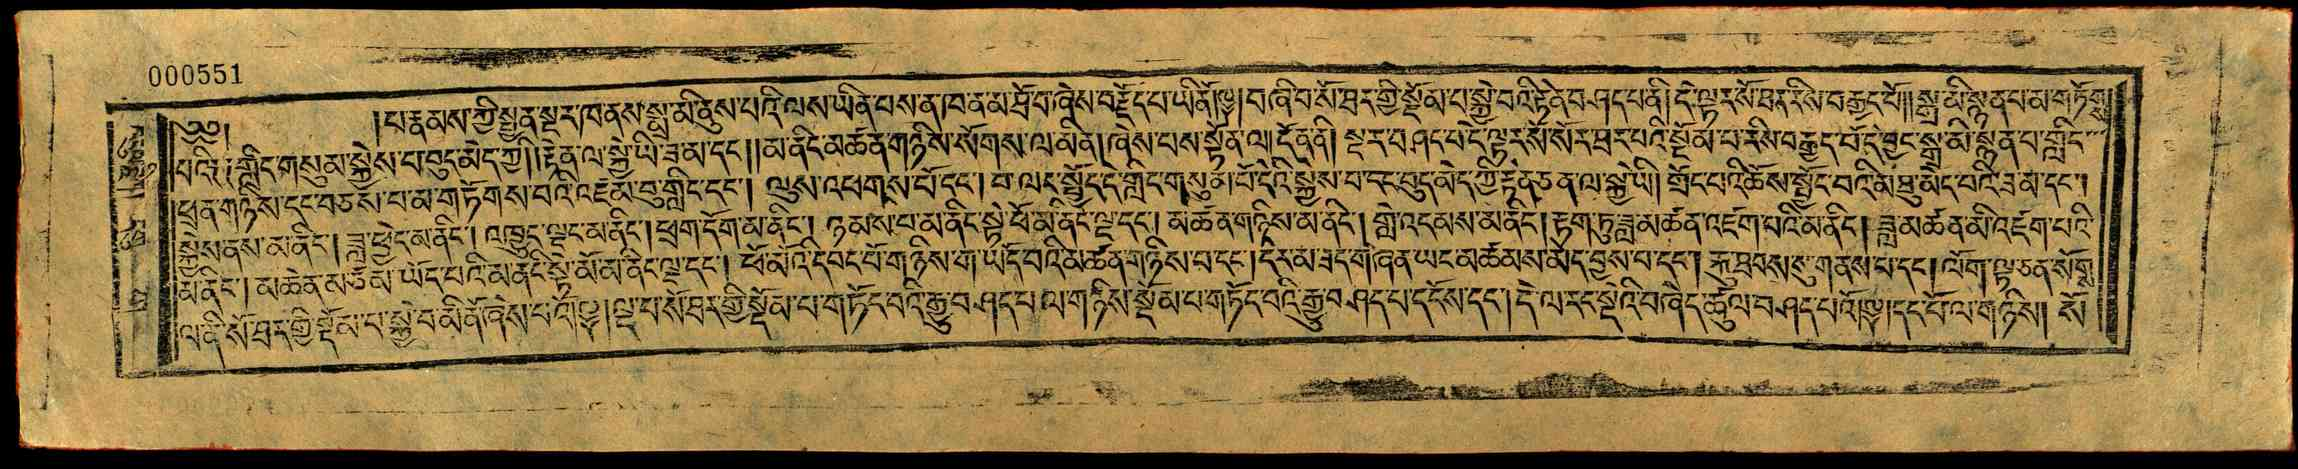༄༅། །པ་རྣམས་ཀྱི་སྤྱན་སྔར་ཁ་ནས་སྨྲ་མི་ནུས་པའི་ལས་ཡིན་པས་ན་ཁ་ན་མ་ཐོབ་ཞེས་བརྗོད་པ་ཡིན་ནོ། ༈ །བཞི་པ་སོ་ཐར་གྱི་སྡོམ་པ་སྐྱེ་པའི་རྟེན་བཤད་པ་ནི། དེ་ལྟར་སོ་ཐར་རིས་བརྒྱད་པོ། །སྒྲ་མི་སྙན་པ་མ་གཏོགས་
པའི། །གླིང་གསུམ་སྐྱེས་པ་བུད་མེད་ཀྱི། །རྟེན་ལ་སྐྱེ་ཡི་ཟ་མ་དང་། །མ་ནིང་མཚན་གཉིས་སོགས་ལ་མིན། ཞེས་པས་སྟོན་ལ། དོན་ནི། སྔར་བཤད་པ་དེ་ལྟར་སོ་སོར་ཐར་པའི་སྡོམ་པ་རིས་བརྒྱད་པོ་དེ་བྱང་སྒྲ་མི་སྙན་པ་གླིང་
ཕྲན་གཉིས་དང་བཅས་པ་མ་གཏོགས་པའི་འཛམ་བུ་གླིང་དང་། ལུས་འཕགས་པོ་དང་། བ་ལང་སྤྱོད་དེ་གླིང་གསུམ་པ་དེའི་སྐྱེས་པ་དང་བུད་མེད་ཀྱི་རྟེན་ཅན་ལ་སྐྱེ་ཡི། གྲོང་པའི་ཆོས་སྤྱོད་པའི་མཐུ་མེད་པའི་ཟ་མ་དང་།
སྐྱེས་ནས་མ་ནིང་། ཟླ་ཕྱེད་མ་ནིང་། འཁྱུད་ལྡང་མ་ནིང་། ཕྲག་དོག་མ་ནིང་། ཉམས་པ་མ་ནིང་སྟེ་ཕོ་མ་ནིང་ལྔ་དང་། མཚན་གཉིས་མ་ནིང་། གླེ་འདམས་མ་ནིང་། རྟག་ཏུ་ཟླ་མཚན་འཛག་པའི་མ་ནིང་། ཟླ་མཚན་མི་འཛག་པའི་
མ་ནིང་། མཚན་མ་ཙམ་ཡོད་པའི་མ་ནིང་སྟེ་མོ་མ་ནིང་ལྔ་དང་། ཕོ་མོའི་དབང་པོ་གཉིས་ཀ་ཡོད་པའི་མཚན་གཉིས་པ་དང་། དེར་མ་ཟད་གཞན་ཡང་མཚམས་མེད་བྱས་པ་དང་། རྐུ་ཐབས་སུ་གནས་པ་དང་། ལོག་ལྟ་ཅན་སོགས་
ལ་ནི་སོ་ཐར་གྱི་སྡོམ་པ་སྐྱེ་བ་མིན་ནོ་ཞེས་པའོ། ༈ །ལྔ་པ་སོ་ཐར་གྱི་སྡོམ་པ་གཏོང་བའི་རྒྱུ་བཤད་པ་ལ་གཉིས་སྡོམ་པ་གཏོང་བའི་རྒྱུ་བཤད་པ་དངོས་དང་། དེ་ལ་རང་སྡེའི་བཞེད་ཚུལ་བཤད་པའོ། ༈ །དང་པོ་ལ་གཉིས། སོ་